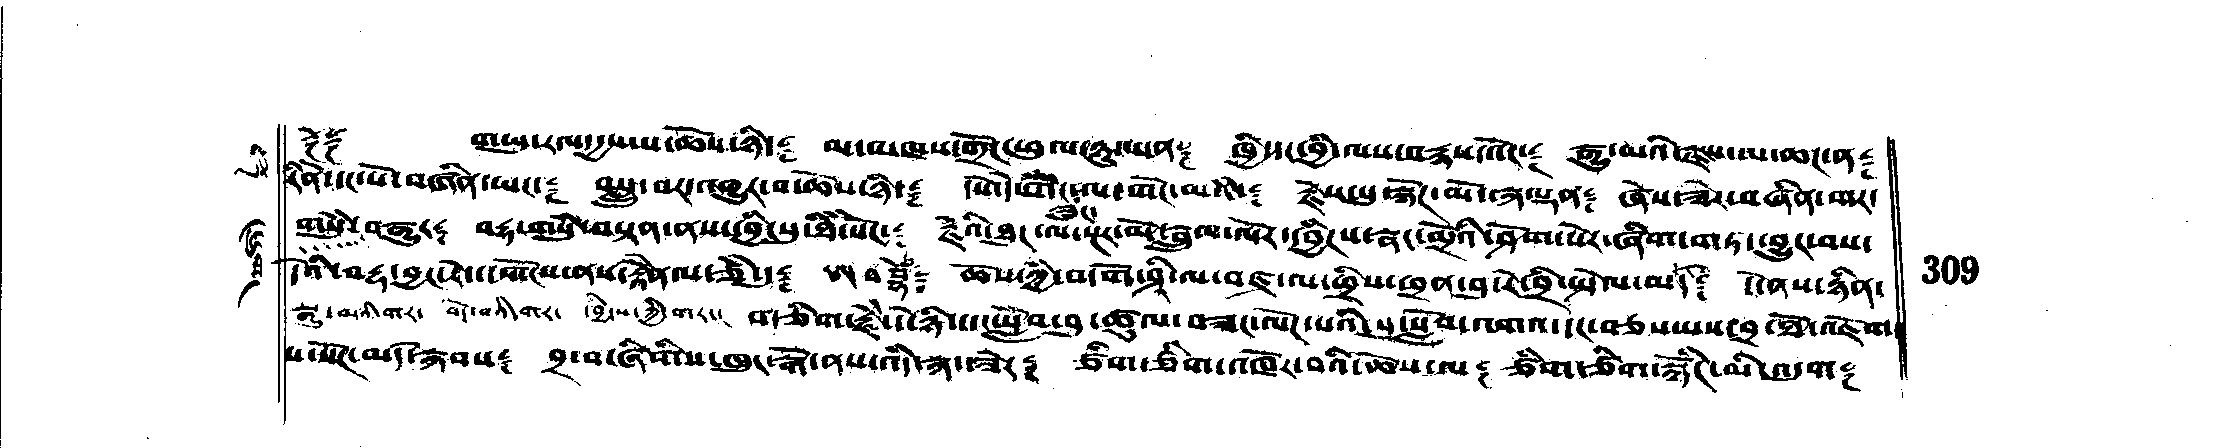།གཡུ་རལ་རྒྱས་པ་ཆོས་ཉིད། །མ་མཁས་གྲོང་ཁུལ་ཉུལ་ན། ཁྱི་དང་བྱི་ལས་བརྙས་འོང་། །སྒྱུ་མའི་རྫས་ལ་ཆགས་ན། །
རིན་ཆེན་དང་པོ་བཞིན་ཡང་། །བསླུ་བར་འགྱུར་བ་ཆོས་ཉིད། །དཔེ་དེ་གཟུང་ལ་གོང་མའི། །རྗེས་སུ་སྙོགས་མཛོད་སྐལ་ལྡན། །ཞེས་ཟེར་བཞིན་གར་
གསུམ་བསྒྱུར། སྒྱུ་མའི་གར། བདེ་བའི་གར། དབྱིངས་ཀྱི་གར། བརྡ་གསུམ་བསྟན་ནས་དབྱིངས་སུ་ཐིམ་སོང་། རྗེའི་ཐུགས་ལ་སྔར་མེ་སྦྲུལ་ལོར་དབྱིངས་སྣང་མཁའ་འགྲོའི་ཤོག་སེར་ཞིག་གཏད་བྱུང་བས་
དེའི་བརྡ་བྱང་རེད་དགོངས་ནས་རྟེན་འབྲེལ་ཙམ་དུ། ཨ་བབྷེཾཿ ཆོས་ཀྱི་བདག་པོ་ཤཱི་ལ་བཛྲ་ལ་ཕྲིན་ལས་ཕྲན་བུ་རེ་བྲི་སྤེལ་མཛད། དེ་ནས་ཉིན་
གཅིག་རྗེ་དེ་ཉིད་དང་སློབ་བུ་ཚུལ་བཟང་ལ་སོགས་པའི་བུ་སློབ་འགའ་དང་བཅས་པས་བྲ་ཐོ་འཇོག་
པ་སོགས་མཛད་སྐབས། བྲ་བ་ཞིག་གིས་ཁུང་སྒོ་ནས་འདི་སྐད་ཟེར། ཙིག་ཙིག་འཁོར་བའི་ཆོས་ལ། །ཙིག་ཙིག་སྙིང་པོ་མི་འདུག